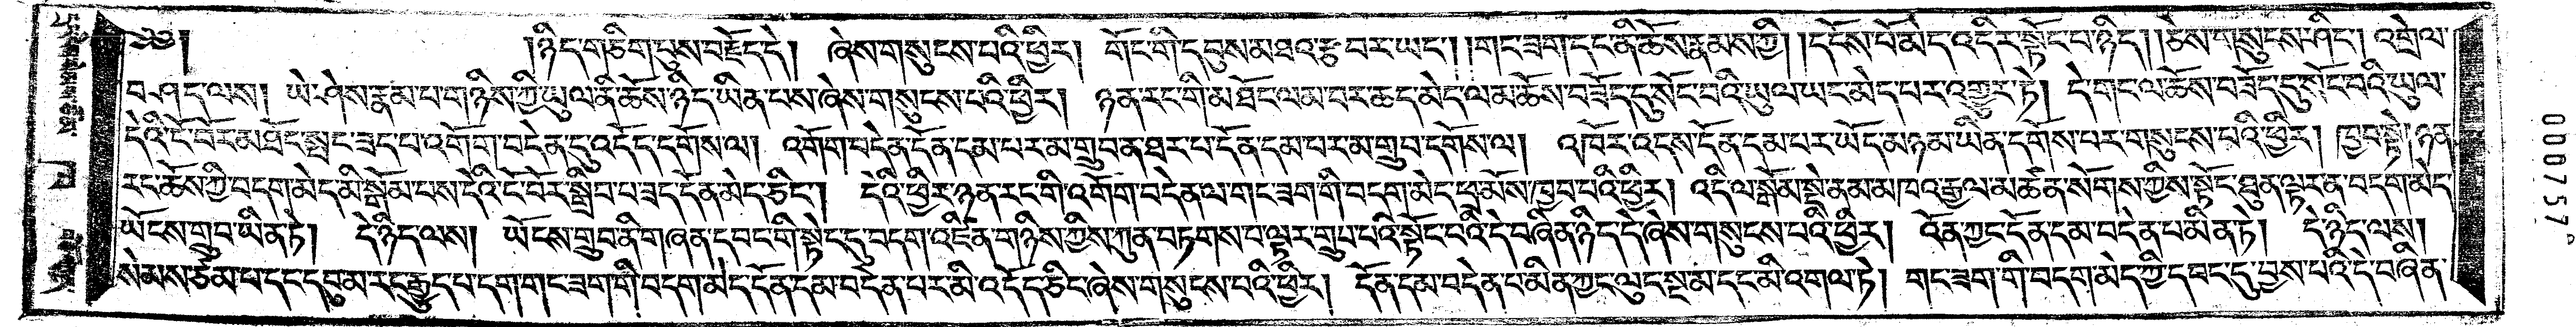༄༅། །ཉིད་གཅིག་པུས་བརྗོད་དེ། ཞེས་གསུངས་པའི་ཕྱིར། གོང་གི་དབུས་མཐའ་རྩ་བར་ཡང་། །གང་ཟག་དང་ནི་ཆོས་རྣམས་ཀྱི། །དངོས་པོ་མེད་འདིར་སྟོང་པ་ཉིད། །ཅེས་གསུངས་ཤིང་། འགྲེལ་
བཤད་ལས། ཡེ་ཤེས་རྣམ་པ་གཉིས་ཀྱི་ཡུལ་ནི་ཆོས་ཉིད་ཡིན་པས་ཞེས་གསུངས་པའི་ཕྱིར། ཉན་རང་གི་མཐོང་ལམ་བར་ཆད་མེད་ལམ་ཆོས་བཟོད་དུ་སོང་བའི་ཡུལ་ཡང་མེད་པར་འགྱུར་ཏེ། དེ་གང་ལ་ཆོས་བཟོད་དུ་སོང་བའི་ཡུལ་
དེའི་ངོ་བོར་མཐོང་སྤང་ཟད་པ་འགོག་བདེན་དུ་འདོད་དགོས་ལ། འགོག་བདེན་དོན་དམ་པར་མ་གྲུབ་ན་ཐར་པ་དོན་དམ་པར་མ་གྲུབ་དགོས་ལ། འཁོར་འདས་དོན་དམ་པར་ཡོད་མཉམ་ཡིན་དགོས་པར་གསུངས་པའི་ཕྱིར། ཁྱབ་སྟེ། ཉན་
རང་ཆོས་ཀྱི་བདག་མེད་མི་སྒོམ་པས་དེའི་ངོ་བོར་སྒྲིབ་པ་ཟད་དོན་མེད་ཅིང་། དེའི་ཕྱིར་ཉན་རང་གི་འགོག་བདེན་ལ་གང་ཟག་གི་བདག་མེད་ཕྲ་མོས་ཁྱབ་པའི་ཕྱིར། འདི་ལ་སྒོམ་སྡེ་ནམ་མཁའ་རྒྱལ་མཚན་སོགས་ཀྱིས་སྟོང་ཐུན་ལྟར་ན་བདག་མེད་
ཡོངས་གྲུབ་ཡིན་ཏེ། དེ་ཉིད་ལས། ཡོངས་གྲུབ་ནི་གཞན་དབང་གི་སྟེང་དུ་བདག་འཛིན་གཉིས་ཀྱིས་ཀུན་བཏགས་པ་ལྟར་གྲུབ་པའི་སྟོང་པའི་དེ་བཞིན་ཉིད་དེ་ཞེས་གསུངས་པའི་ཕྱིར། འོན་ཀྱང་དོན་དམ་བདེན་པ་མིན་ཏེ། དེ་ཉིད་ལས།
སེམས་ཙམ་པ་དང་དབུ་མ་རང་རྒྱུད་པ་དག་གང་ཟག་གི་བདག་མེད་དོན་དམ་བདེན་པར་མི་འདོད་ཅིང་ཞེས་གསུངས་པའི་ཕྱིར། དོན་དམ་བདེན་པ་མིན་ཀྱང་ལུང་སྔ་མ་དང་མི་འགལ་ཏེ། གང་ཟག་གི་བདག་མེད་ཀྱི་དབང་དུ་བྱས་པའི་དེ་བཞིན་